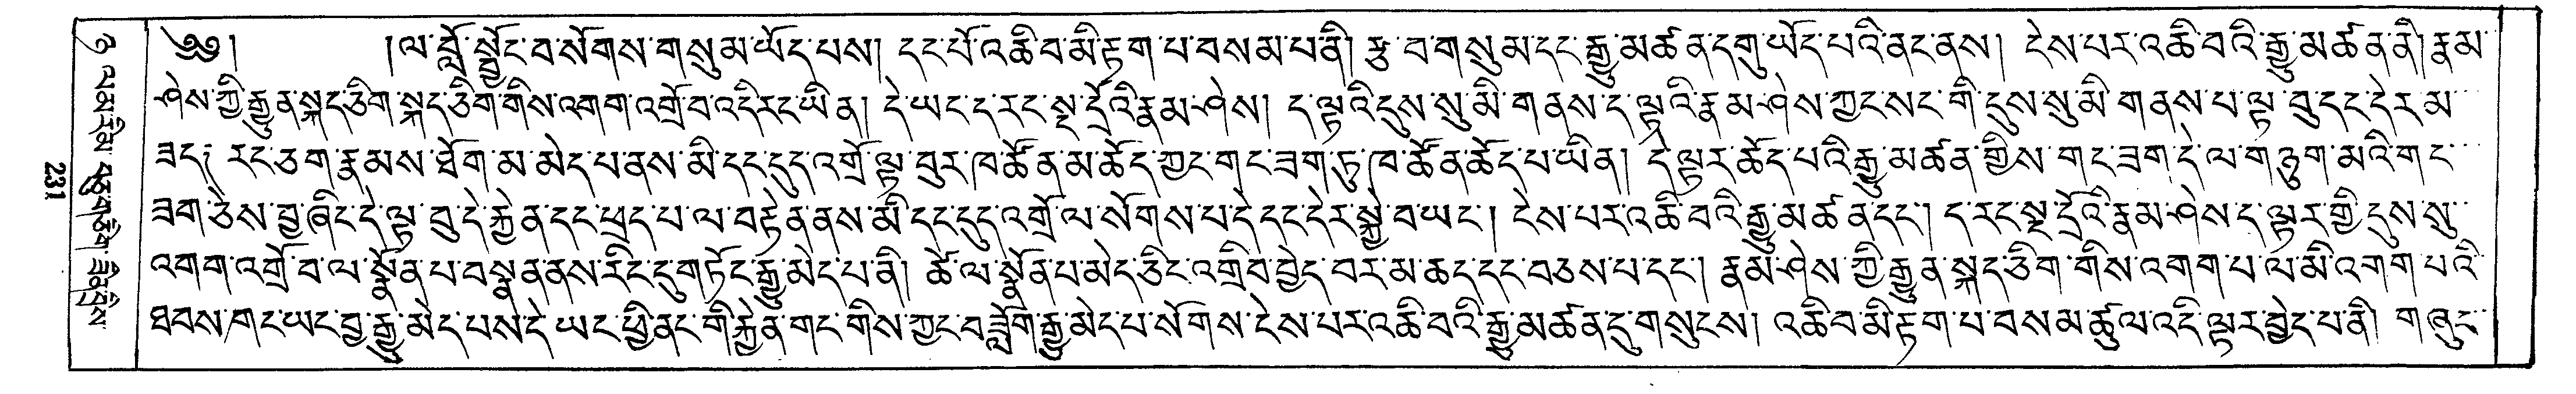༄༅། །ལ་བློ་སྦྱོང་བ་སོགས་གསུམ་ཡོད་པས། དང་པོ་འཆི་བ་མི་རྟག་པ་བསམ་པ་ནི། རྩ་བ་གསུམ་དང་རྒྱུ་མཚན་དགུ་ཡོད་པའི་ནང་ནས། ངེས་པར་འཆི་བའི་རྒྱུ་མཚན་ནི། རྣམ་
ཤེས་ཀྱི་རྒྱུན་སྐད་ཅིག་སྐད་ཅིག་གིས་འགག་འགྲོ་བ་འདི་རང་ཡིན། དེ་ཡང་ད་རང་སྔ་དྲོའི་རྣམ་ཤེས། ད་ལྟའི་དུས་སུ་མི་གནས་ད་ལྟའི་རྣམ་ཤེས་ཀྱང་སང་གི་དུས་སུ་མི་གནས་པ་ལྟ་བུ་དང་དེར་མ་
ཟད༑ རང་ཅག་རྣམས་ཐོག་མ་མེད་པ་ནས་མི་དང་དུད་འགྲོ་ལྟ་བུར་ཁ་ཚོན་མ་ཆོད་ཀྱང་གང་ཟག་ཏུ་ཁ་ཚོན་ཆོད་པ་ཡིན། དེ་ལྟར་ཆོད་པའི་རྒྱུ་མཚན་གྱིས་གང་ཟག་དེ་ལ་གཉུག་མའི་གང་
ཟག་ཅེས་བྱ་ཞིང་དེ་ལྟ་བུ་དེ་རྐྱེན་དང་ཕྲད་པ་ལ་བརྟེན་ནས་མི་དང་དུད་འགྲོ་ལ་སོགས་པ་དེ་དང་དེར་སྐྱེ་བ་ཡང་། ངེས་པར་འཆི་བའི་རྒྱུ་མཚན་དང་། ད་རང་སྔ་དྲོའི་རྣམ་ཤེས་ད་ལྟར་གྱི་དུས་སུ་
འགག་འགྲོ་བ་ལ་སྣོན་པ་བསྣན་ནས་རིང་དུ་གཏོང་རྒྱུ་མེད་པ་ནི། ཚེ་ལ་སྣོན་པ་མེད་ཅིང་འགྲིབ་བྱེད་པར་མ་ཆད་དང་བཅས་པ་དང་། རྣམ་ཤེས་ཀྱི་རྒྱུན་སྐད་ཅིག་གིས་འགག་པ་ལ་མི་འགག་པའི་
ཐབས་གང་ཡང་བྱ་རྒྱུ་མེད་པས་དེ་ཡང་ཕྱི་ནང་གི་རྐྱེན་གང་གིས་ཀྱང་བཟློག་རྒྱུ་མེད་པ་སོགས་ངེས་པར་འཆི་བའི་རྒྱུ་མཚན་དུ་གསུངས། འཆི་བ་མི་རྟག་པ་བསམ་ཚུལ་འདི་ལྟར་བྱེད་པ་ནི། གཞུང་